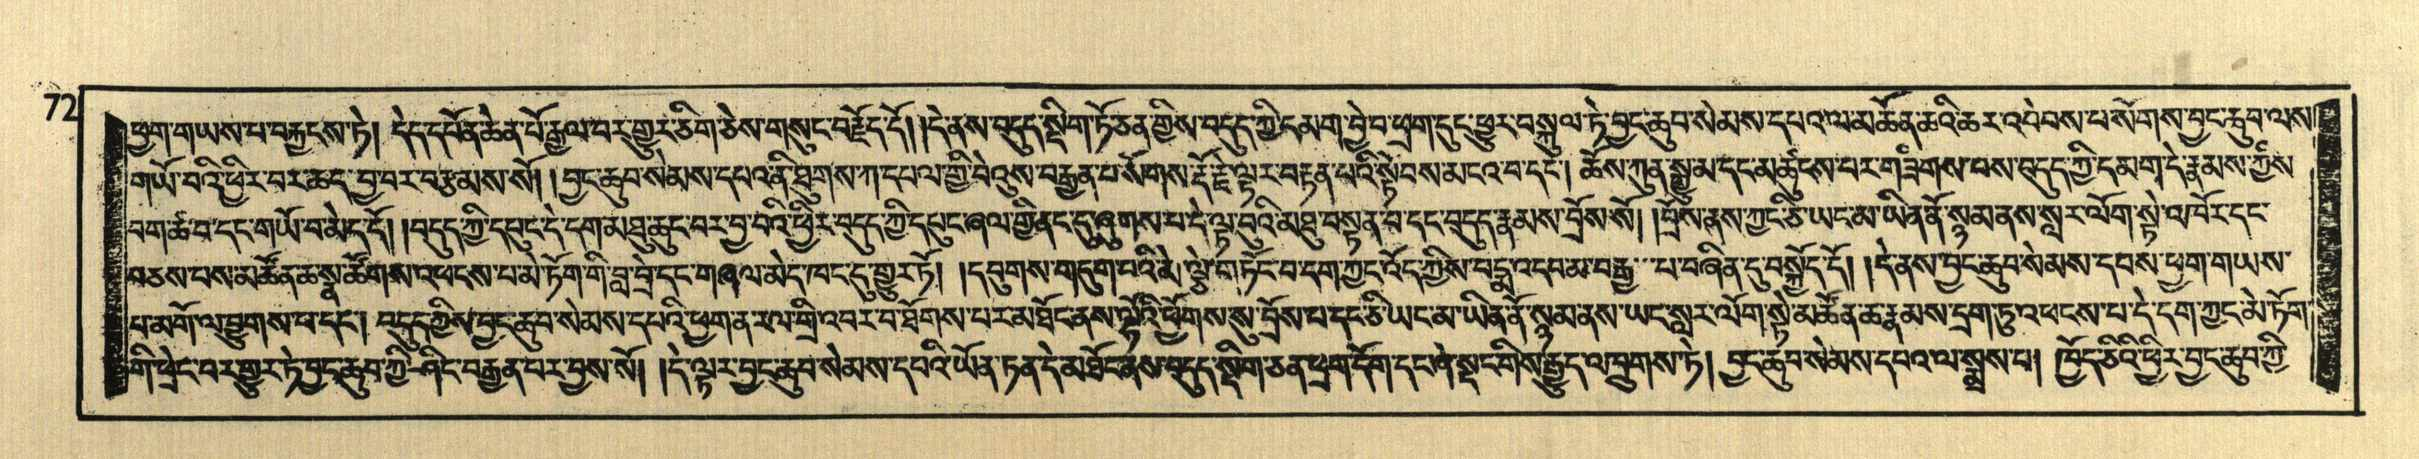ཕྱག་གཡས་པ་བརྐྱངས་ཏེ། དེད་དཔོན་ཆེན་པོ་རྒྱལ་བར་གྱུར་ཅིག་ཅེས་གསུང་བརྗོད་དོ། །དེ་ནས་བདུད་སྡིག་ཏོ་ཅན་གྱིས་བདུད་ཀྱི་དམག་བྱེ་བ་ཕྲག་དུང་ཕྱུར་བསྐུལ་ཏེ་བྱང་ཆུབ་སེམས་དཔའ་ལ་མཆོན་ཆའི་ཆར་འབེབས་པ་སོགས་བྱང་ཆུབ་ལས་
གཡོ་བའི་ཕྱིར་བར་ཆད་བྱ་བར་བརྩམས་སོ། །བྱང་ཆུབ་སེམས་དཔའ་ནི་ཐུགས་ཀ་དཔལ་གྱི་བེའུས་བརྒྱན་པ་སོགས་རྡོ་རྗེ་ལྟར་བརྟན་པའི་སྟོབས་མངའ་བ་དང་། ཆོས་ཀུན་སྒྱུ་མ་དང་མཚུངས་པར་གཟིགས་པས་བདུད་ཀྱི་དམག་དེ་རྣམས་ཀྱིས་
བག་ཚ་བ་དང་གཡོ་བ་མེད་དོ། །བདུད་ཀྱི་དཔུང་དེ་དག་མཐུ་ཆུང་བར་བྱ་བའི་ཕྱིར་བདུད་ཀྱི་དཔུང་ཞལ་གྱི་ནང་དུ་ཞུགས་པ་དེ་ལྟ་བུའི་མཐུ་བསྟན་པ་དང་བདུད་རྣམས་བྲོས་སོ། །བྲོས་ནས་ཀྱང་ཅི་ཡང་མ་ཡིན་ནོ་སྙམ་ནས་སླར་ལོག་སྟེ་འཁོར་དང་
བཅས་པས་མཚོན་ཆ་སྣ་ཚོགས་འཕངས་པ་མེ་ཏོག་གི་བླ་བྲེ་དང་གཞལ་མེད་ཁང་དུ་གྱུར་ཏོ། །དབུགས་གདུག་པའི་མེ་ལྕེ་གཏོང་བ་དག་ཀྱང་འོད་ཀྱིས་པདམ་འདབ་མ་བརྒྱ་པ་བཞིན་དུ་བསྐྱོད་དོ། །དེ་ནས་བྱང་ཆུབ་སེམས་དབས་ཕྱག་གཡས་
པ་མགོ་ལ་བྱུགས་པ་དང་། བདུད་ཀྱིས་བྱང་ཆུབ་སེམས་དཔའི་ཕྱག་ན་རལ་གྲི་འབར་བ་ཐོགས་པར་མཐོང་ནས་ལྷོའི་ཕྱོགས་སུ་བྲོས་པ་དང་ཅི་ཡང་མ་ཡིན་ནོ་སྙམ་ནས་ཡང་སླར་ལོག་སྟེ་མཚོན་ཆ་རྣམས་དྲག་ཏུ་འཕངས་པ་དེ་དག་ཀྱང་མེ་ཏོག་
གི་ཕྲེང་བར་གྱུར་ཏེ་བྱང་ཆུབ་ཀྱི་ཤིང་བརྒྱན་པར་བྱས་སོ། །དེ་ལྟར་བྱང་ཆུབ་སེམས་དཔའི་ཡོན་ཏན་དེ་མཐོང་ནས་བདུད་སྡིག་ཅན་ཕྲག་དོག་དང་ཞེ་སྡང་གིས་རྒྱུད་འཁྲུགས་ཏེ། བྱང་ཆུབ་སེམས་དཔའ་ལ་སྨྲས་པ། ཁྱོད་ཅིའི་ཕྱིར་བྱང་ཆུབ་ཀྱི་